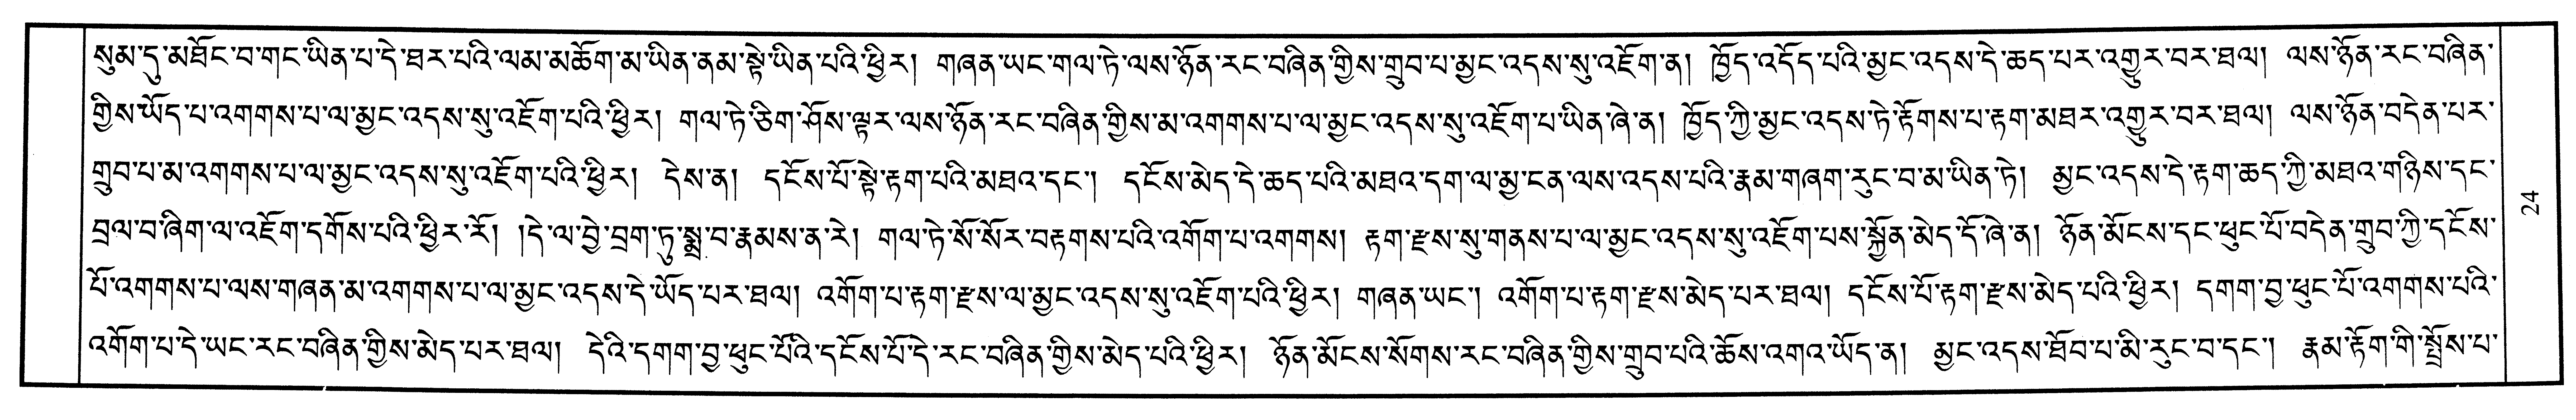སུམ་དུ་མཐོང་བ་གང་ཡིན་པ་དེ་ཐར་པའི་ལམ་མཆོག་མ་ཡིན་ནམ་སྟེ་ཡིན་པའི་ཕྱིར། གཞན་ཡང་གལ་ཏེ་ལས་ཉོན་རང་བཞིན་གྱིས་གྲུབ་པ་མྱང་འདས་སུ་འཇོག་ན། ཁྱོད་འདོད་པའི་མྱང་འདས་དེ་ཆད་པར་འགྱུར་བར་ཐལ། ལས་ཉོན་རང་བཞིན་
གྱིས་ཡོད་པ་འགགས་པ་ལ་མྱང་འདས་སུ་འཇོག་པའི་ཕྱིར། གལ་ཏེ་ཅིག་ཤོས་ལྟར་ལས་ཉོན་རང་བཞིན་གྱིས་མ་འགགས་པ་ལ་མྱང་འདས་སུ་འཇོག་པ་ཡིན་ཞེ་ན། ཁྱོད་ཀྱི་མྱང་འདས་ཏེ་རྟོགས་པ་རྟག་མཐར་འགྱུར་བར་ཐལ། ལས་ཉོན་བདེན་པར་
གྲུབ་པ་མ་འགགས་པ་ལ་མྱང་འདས་སུ་འཇོག་པའི་ཕྱིར། དེས་ན། དངོས་པོ་སྟེ་རྟག་པའི་མཐའ་དང་། དངོས་མེད་དེ་ཆད་པའི་མཐའ་དག་ལ་མྱ་ངན་ལས་འདས་པའི་རྣམ་གཞག་རུང་བ་མ་ཡིན་ཏེ། མྱང་འདས་དེ་རྟག་ཆད་ཀྱི་མཐའ་གཉིས་དང་
བྲལ་བ་ཞིག་ལ་འཇོག་དགོས་པའི་ཕྱིར་རོ། །དེ་ལ་བྱེ་བྲག་ཏུ་སྨྲ་བ་རྣམས་ན་རེ། གལ་ཏེ་སོ་སོར་བརྟགས་པའི་འགོག་པ་འགགས། རྟག་རྫས་སུ་གནས་པ་ལ་མྱང་འདས་སུ་འཇོག་པས་སྐྱོན་མེད་དོ་ཞེ་ན། ཉོན་མོངས་དང་ཕུང་པོ་བདེན་གྲུབ་ཀྱི་དངོས་
པོ་འགགས་པ་ལས་གཞན་མ་འགགས་པ་ལ་མྱང་འདས་དེ་ཡོད་པར་ཐལ། འགོག་པ་རྟག་རྫས་ལ་མྱང་འདས་སུ་འཇོག་པའི་ཕྱིར། གཞན་ཡང་། འགོག་པ་རྟག་རྫས་མེད་པར་ཐལ། དངོས་པོ་རྟག་རྫས་མེད་པའི་ཕྱིར། དགག་བྱ་ཕུང་པོ་འགགས་པའི་
འགོག་པ་དེ་ཡང་རང་བཞིན་གྱིས་མེད་པར་ཐལ། དེའི་དགག་བྱ་ཕུང་པོའི་དངོས་པོ་དེ་རང་བཞིན་གྱིས་མེད་པའི་ཕྱིར། ཉོན་མོངས་སོགས་རང་བཞིན་གྱིས་གྲུབ་པའི་ཆོས་འགའ་ཡོད་ན། མྱང་འདས་ཐོབ་པ་མི་རུང་བ་དང་། རྣམ་རྟོག་གི་སྤྲོས་པ་